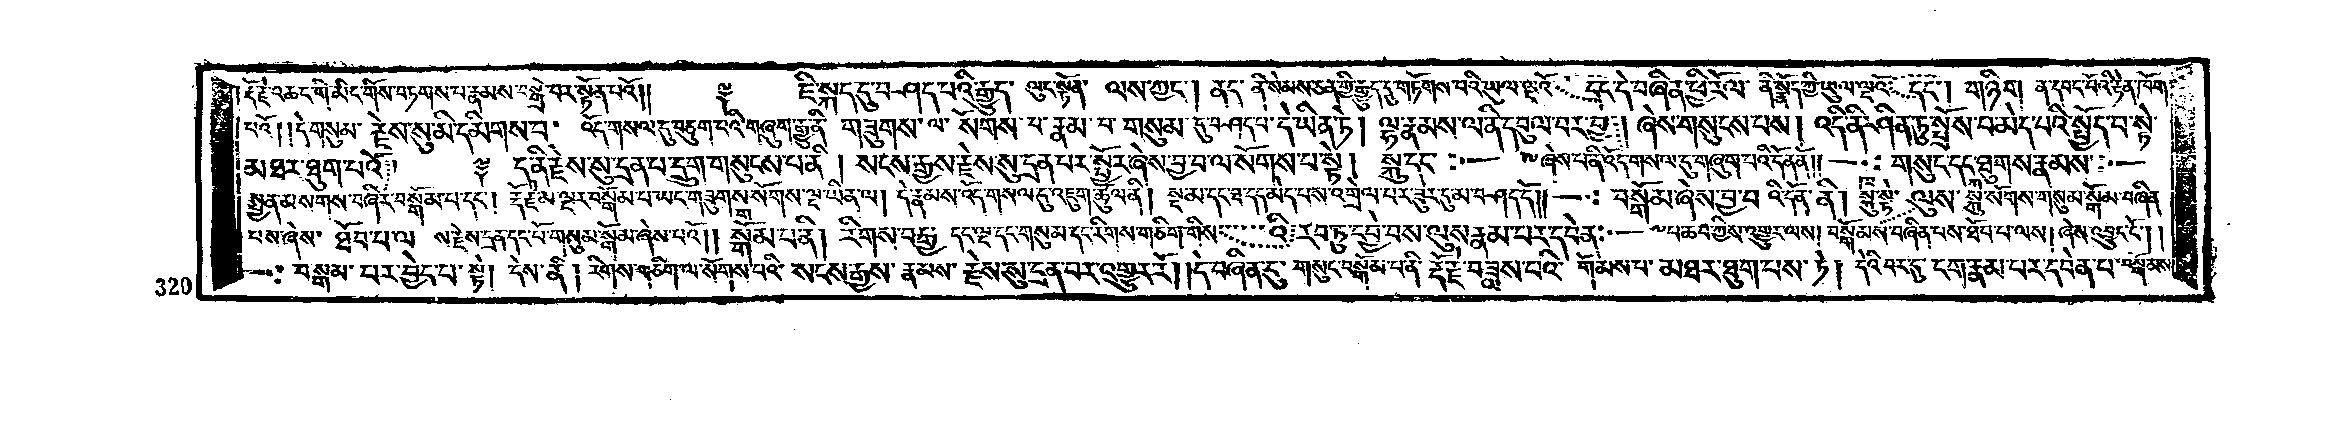རྡོ་རྗེ་འཆང་གི་མིང་གིས་བཏགས་པ་རྣམས་བསྒྲེ་བར་སྟོན་པའོ།། ༈ ཇི་སྐད་དུ་བཤད་པའི་རྒྱུད་ལུང་སྟོན་ལས་ཀྱང་། ནང་ནི་སེམས་ཅན་གྱི་རྒྱུད་དུ་གཏོགས་པའི་ཡུལ་ལྔའོ་དང་དེ་བཞིན་ཕྱི་རོལ་ནི་སྣོད་ཀྱི་ཡུལ་ལྔའོ་དང་། གཉི་ག་ནི་དབང་པོའི་རྟེན་ཁོག་
པའོ། །དེ་གསུམ་རྗེས་སུ་མི་དམིགས་པ་འོད་གསལ་དུ་བཅུག་པའི་གཞུག་རྒྱུ་ནི་གཟུགས་ལ་སོགས་པ་རྣམ་པ་གསུམ་དུ་བཤད་པ་དེ་ཡིན་ཏེ། ལྷ་རྣམས་ལ་ནི་དབུལ་བར་བྱ། ཞེས་གསུངས་པས། འདི་ནི་ཤིན་ཏུ་སྤྲོས་པ་མེད་པའི་སྤྱོད་པ་སྟེ་
མཐར་ཐུག་པའོ།། ༈ ད་ནི་རྗེས་སུ་དྲན་པ་དྲུག་གསུངས་པ་ནི། སངས་རྒྱས་རྗེས་སུ་དྲན་པར་སྦྱོར་ཞེས་བྱ་བ་ལ་སོགས་པ་སྟེ། སྐུ་དང་H.་༧་ཞེས་པ་ནི་འོད་གསལ་དུ་གཞུག་པའི་དོན་ནོ།།.H་གསུང་དང་ཐུགས་རྣམས་H.
སྤྱན་མ་སོགས་བཞིར་བསྒོམ་པ་དང་། རྡོ་རྗེ་མ་ལྔར་བསྒོམ་པ་ཡང་གཟུགས་སོགས་ལྔ་ཡིན་ལ། དེ་རྣམས་འོད་གསལ་དུ་འཇུག་ཚུལ་ནི། སྔ་མ་དང་ཐ་དད་མེད་པས་འགྲེལ་པར་ཟུར་དུ་མ་བཤད་དོ།།  .H བསྒོམ་ཞེས་བྱ་བའི་དོན་ནི། ཁ྄་སྐུ་སྟེ་ལུས་ཀ྄་སྐུ་སོགས་གསུམ་སྒོམ་བཞིན་
པས་ཞེས་ཐོབ་པ་ལས་རྗེས་དྲན་དང་པོ་གསུམ་སྒོམ་ཞེས་པའོ།  ག྄་།སྒོམ་པ་ནི། རིགས་བརྒྱ་དང་ལྔ་དང་གསུམ་དང་རིགས་གཅིག་གིས་འི་རབ་ཏུ་དབྱེ་བས་ལུས་རྣམ་པར་དབེན་H.་༧་པ་ཚབ་ཀྱིས་འགྱུར་ལས། བསྒོམས་བཞིན་པས་ཐོབ་པ་ལས། ཞེས་འབྱུང་ངོ།།
.Hབསྒོམ་པར་བྱེད་པ་སྟེ། དེས་ནི། རིགས་གཅིག་ལ་སོགས་པའི་སངས་རྒྱས་རྣམས་རྗེས་སུ་དྲན་པར་འགྱུར་རོ། །དེ་བཞིན་དུ་གསུང་བསྒོམ་པ་ནི་རྡོ་རྗེ་བཟླས་པའི་གོམས་པ་མཐར་ཐུག་པས་ཏེ། དེའི་བར་དུ་ངག་རྣམ་པར་དབེན་པ་བསྒོམས་